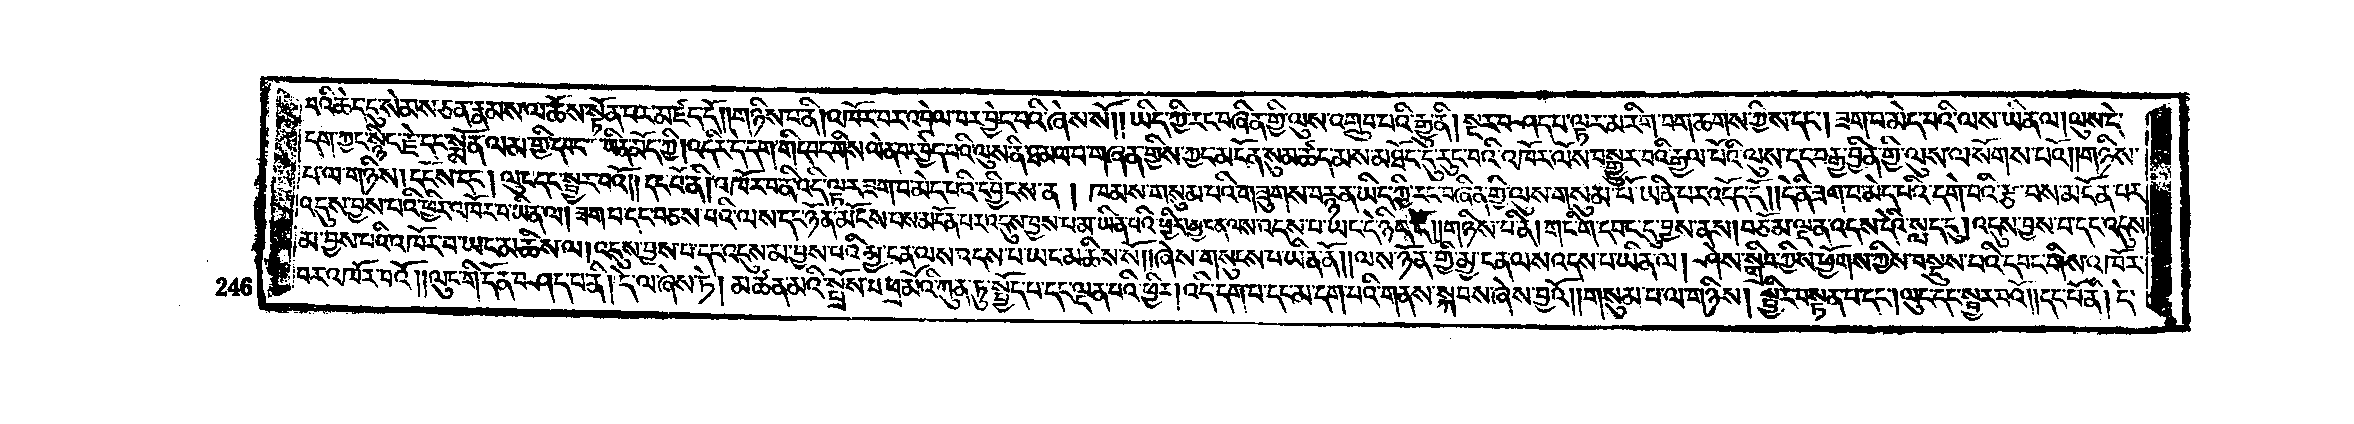བའི་ཆེད་དུ་སེམས་ཅན་རྣམས་ལ་ཆོས་སྟོན་པར་མཛད་དོ། །གཉིས་པ་ནི། འཁོར་བར་འབྲེལ་པར་བྱེད་པའི་ཞེས་སོ། །ཡིད་ཀྱི་རང་བཞིན་གྱི་ལུས་འགྲུབ་པའི་རྒྱུ་ནི། སྔར་བཤད་པ་ལྟར་མ་རིག་བག་ཆགས་ཀྱིས་དང་། ཟག་པ་མེད་པའི་ལས་ཡིན་ལ། ལུས་དེ་
དག་ཀྱང་སྙིང་རྗེ་དང་སྨོན་ལམ་གྱི་དབང་ཡིན་མོད་ཀྱི། འདིར་དེ་དག་གི་དབང་གིས་ལེན་པར་བྱེད་པའི་ལུས་ནི་ཐ་མལ་པ་གཞན་གྱིས་ཀྱང་མངོན་སུམ་ཚད་མས་མཐོང་དུ་རུང་བའི་འཁོར་ལོས་བསྒྱུར་བའི་རྒྱལ་པོའི་ལུས་དང་བརྒྱ་བྱིན་གྱི་ལུས་ལ་སོགས་པའོ། །གཉིས་
པ་ལ་གཉིས། དངོས་དང་། ལུང་དང་སྦྱར་བའོ། །དང་པོ་ནི། འཁོར་བ་ནི་འདི་ལྟར་ཟག་པ་མེད་པའི་དབྱིངས་ན། ཁམས་གསུམ་པའི་གཟུགས་བརྙན་ཡིད་ཀྱི་རང་བཞིན་གྱི་ལུས་གསུམ་པོ་ཡིན་པར་འདོད་དོ། །དེ་ནི་ཟག་པ་མེད་པའི་དགེ་བའི་རྩ་བས་མངོན་པར་
འདུས་བྱས་པའི་ཕྱིར་འཁོར་བ་ཡིན་ལ། ཟག་པ་དང་བཅས་པའི་ལས་དང་ཉོན་མོངས་པས་མངོན་པར་འདུས་བྱས་པ་མ་ཡིན་པའི་ཕྱིར། མྱ་ངན་ལས་འདས་པ་ཡང་དེ་ཉིད་དོ། །གཉིས་པ་ནི། གང་གི་དབང་དུ་བྱས་ནས། བཅོམ་ལྡན་འདས་དེའི་སླད་དུ། འདུས་བྱས་པ་དང་འདུས་
མ་བྱས་པའི་འཁོར་བ་ཡང་མཆིས་ལ། འདུས་བྱས་པ་དང་འདུས་མ་བྱས་པའི་མྱ་ངན་ལས་འདས་པ་ཡང་མཆིས་སོ། །ཞེས་གསུངས་པ་ཡིན་ནོ། །ལས་ཉོན་གྱི་མྱ་ངན་ལས་འདས་པ་ཡིན་ལ། ཤེས་སྒྲིབ་ཀྱིས་ཕྱོགས་ཀྱིས་བསྡུས་པའི་དབང་གིས་འཁོར་
བར་འཁོར་བའོ། །ལུང་གི་དོན་བཤད་པ་ནི། དེ་ལ་ཞེས་ཏེ། མཚན་མའི་སྤྲོས་པ་ཕྲ་མོའི་ཀུན་ཏུ་སྤྱོད་པ་དང་ལྡན་པའི་ཕྱིར། འདི་དག་པ་དང་མ་དག་པའི་གནས་སྐབས་ཞེས་བྱའོ། །གསུམ་པ་ལ་གཉིས། སྤྱིར་བསྟན་པ་དང་། ལུང་དང་སྦྱར་བའོ། །དང་པོ་ནི། དེ་